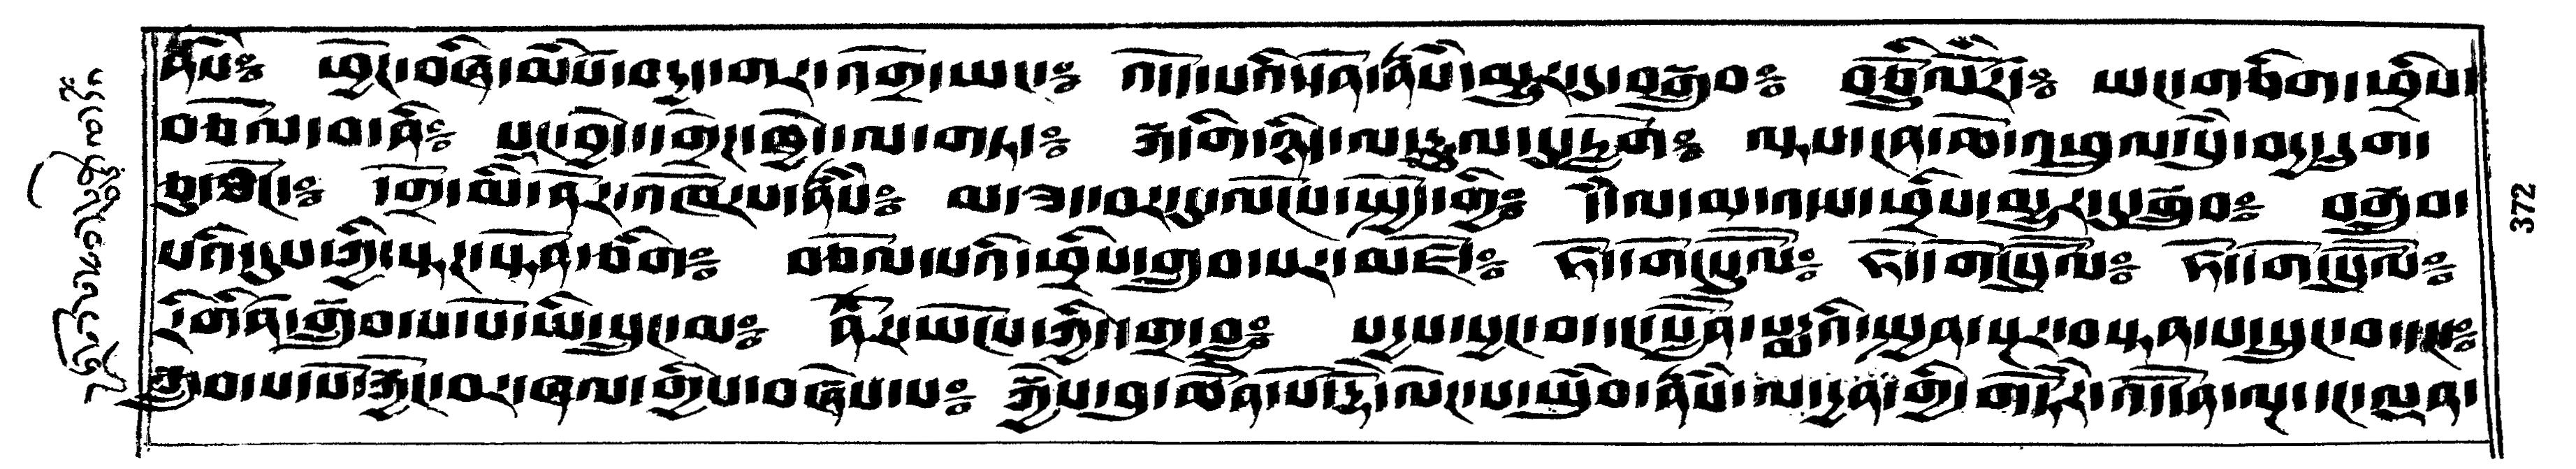རྣམས༔ ཕྱོགས་བཞི་མཚམས་བརྒྱད་གར་འགྲོ་ཡང༔ འདོད་པའི་དོན་རྣམས་མྱུར་དུ་སྒྲུབས༔ བཅོལ་པའི་ཕྲིན་ལས་གྲུབ་པར་མཛོད༔ ཡང་གཅིག་ཕྲིན་
ལས་བཅོལ་བ་ནི༔ སྡང་བྱེད་དགྲ་གེགས་ཁྱེད་ལ་གཏད༔ སྐད་ཅིག་ཉིད་ལ་རྡུལ་དུ་རློག༔ ལྟས་ངན་ཆོ་འཕྲུལ་སུམ་བརྒྱ་དྲུག་
ཅུ་ཐོངས༔ དགྲ་བོ་མི་ནོར་འཁོར་བཅས་རྣམས༔ མ་ཟད་བར་དུ་ལོངས་སྤྱོད་ཀྱི༔དམ་ལས་མ་འདས་ཕྲིན་ལས་མྱུར་དུ་སྒྲུབས༔ སྒྲུབ་
པའི་དུས་ཀྱི་རྟགས་སྟོན་ཞིག༔ བཅོལ་པའི་ཕྲིན་ལས་གྲུབ་པར་མཛོད༔ ཧོ་དགོངས་སུ་གསོལ༔ ཧོ་དགོངས་སུ་གསོལ༔ ཧོ་དགོངས་སུ་གསོལ༔ 
རིག་འཛིན་སྒྲུབ་པ་པོ་ཡི་སྲུང་མ༔ རྣལ་འབྱོར་ཡོངས་ཀྱི་དགྲ་བླ༔ སངས་རྒྱས་གསང་བ་དང་སློབ་དཔོན་པདྨའི་སྤྱན་སྔར་བསྟན་པ་སྲུང་བ་དང༔ 
སྒྲུབ་པ་པོ་སྐྱོང་བར་ཞལ་གྱིས་བཞེས་པ༔ སྐྱེས་བུ་ཆེན་པོ་རྡོ་རྗེ་ལེགས་པ་ཡབ་ཡུམ་རྣམས་ལ་རྒྱན་གྱི་གཏོར་མ་འདོད་ཡོན་ལྔ་དང་ལྡན་